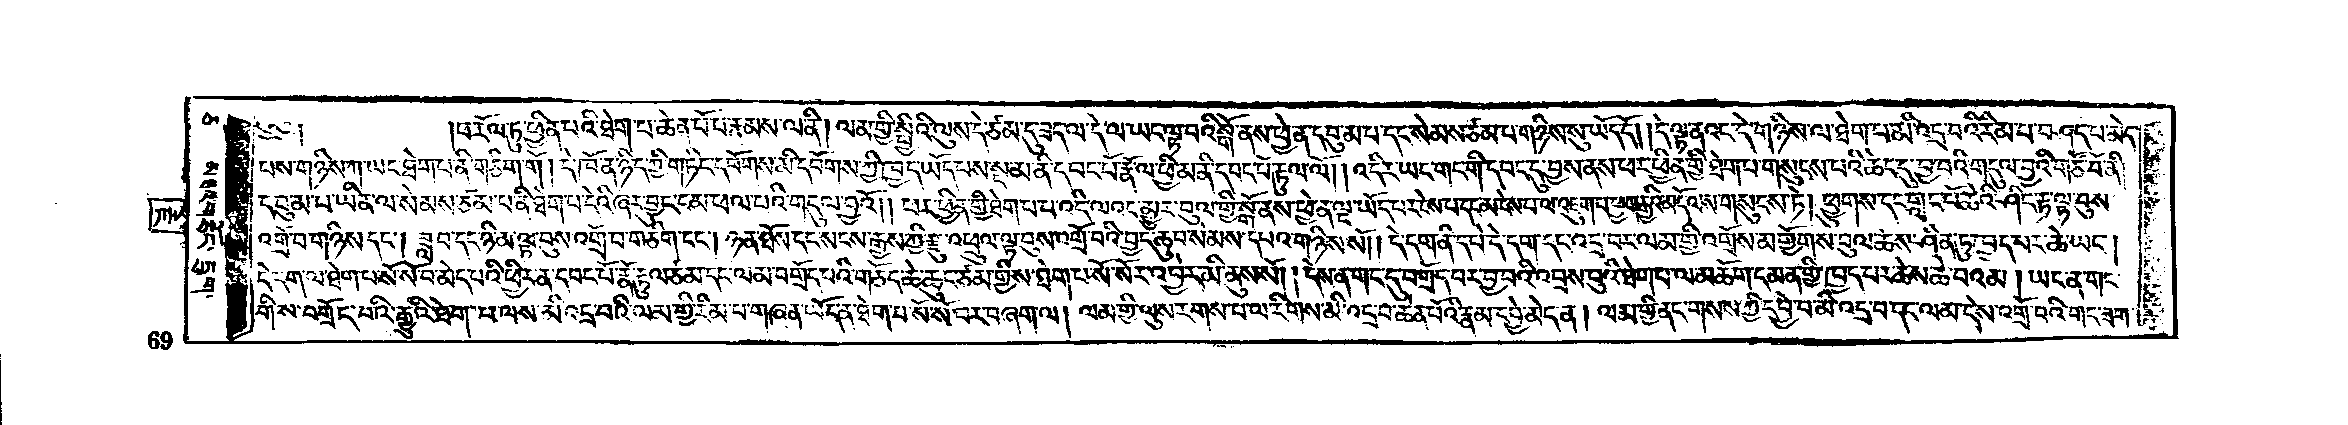༄༅། །ཕ་རོལ་ཏུ་ཕྱིན་པའི་ཐེག་པ་ཆེན་པོ་པ་རྣམས་ལ་ནི། ལམ་གྱི་སྤྱིའི་ལུས་དེ་ཙམ་དུ་ཟད་ལ་དེ་ལ་ཡང་ལྟ་བའི་སྒོ་ནས་ཕྱེ་ན་དབུ་མ་པ་དང་སེམས་ཙམ་པ་གཉིས་སུ་ཡོད་དོ། །དེ་ལྟ་ནའང་དེ་གཉིས་ལ་ཐེག་པ་མི་འདྲ་བའི་རིམ་པ་བཤད་པ་མེད་
པས་གཉིས་ཀ་ཡང་ཐེག་པ་ནི་གཅིག་གོ །དེ་ཁོ་ན་ཉིད་ཀྱི་གཏིང་དབོགས་མི་དབོགས་ཀྱི་ཁྱད་ཡོད་པས་སྔ་མ་ནི་དབང་པོ་རྣོ་ལ་ཕྱི་མ་ནི་དབང་པོ་རྟུལ་ལོ། །འདིར་ཡང་གང་གི་དབང་དུ་བྱས་ནས་ཕར་ཕྱིན་གྱི་ཐེག་པ་གསུངས་པའི་ཆེད་དུ་བྱ་བའི་གདུལ་བྱའི་གཙོ་བོ་ནི།
དབུ་མ་པ་ཡིན་ལ་སེམས་ཙམ་པ་ནི་ཐེག་པ་དེའི་ཞར་བྱུང་ངམ་ཕལ་པའི་གདུལ་བྱའོ། །ཕར་ཕྱིན་གྱི་ཐེག་པ་པ་འདི་ལའང་མྱུར་བུལ་གྱི་སྒོ་ནས་ཕྱེ་ན་ལྔ་ཡོད་པར་ངེས་པ་དང་མ་ངེས་པ་ལ་འཇུག་པ་ཕྱག་རྒྱའི་མདོ་ལས་གསུངས་ཏེ། ཕྱུགས་དང་གླང་པོ་ཆེའི་ཤིང་རྟ་ལྟ་བུས་
འགྲོ་བ་གཉིས་དང་། ཟླ་བ་དང་ཉི་མ་ལྟ་བུས་འགྲོ་བ་གཅིག་དང་། ཉན་ཐོས་དང་སངས་རྒྱས་ཀྱི་རྫུ་འཕྲུལ་ལྟ་བུས་འགྲོ་བའི་བྱང་ཆུབ་སེམས་དཔའ་གཉིས་སོ། །དེ་དག་ནི་དཔེ་དེ་དག་དང་འདྲ་བར་ལམ་གྱི་འགྲོས་མགྱོགས་བུལ་ཆེས་ཤིན་ཏུ་ཁྱད་པར་ཆེ་ཡང་།
དེ་དག་ལ་ཐེག་པ་སོ་སོ་བ་མེད་པའི་ཕྱིར་ན་དབང་པོ་རྣོ་རྟུལ་ཙམ་དང་ལམ་བགྲོད་པའི་གཅོད་ཆེ་ཆུང་ཙམ་གྱིས་ཐེག་པ་སོ་སོར་འབྱེད་མི་ནུས་སོ། །དེས་ན་གང་དུ་བགྲོད་པར་བྱ་བའི་འབྲས་བུའི་ཐེག་པ་ལ་མཆོག་དམན་གྱི་ཁྱད་པར་ཆེས་ཆེ་བའམ། ཡང་ན་གང་
གིས་བགྲོད་པའི་རྒྱུའི་ཐེག་པ་ལ་ལུས་མི་འདྲ་བའི་ལམ་གྱི་རིམ་པ་གཞན་ཡོད་ན་ཐེག་པ་སོ་སོ་བར་བཞག་ལ། ལམ་གྱི་ལུས་རགས་པ་ལ་རིགས་མི་འདྲ་བ་ཆེན་པོའི་རྣམ་དབྱེ་མེད་ན། ལམ་གྱི་ནང་གསོས་ཀྱི་དབྱེ་བ་མི་འདྲ་བ་དང་ལམ་དེས་འགྲོ་བའི་གང་ཟག་